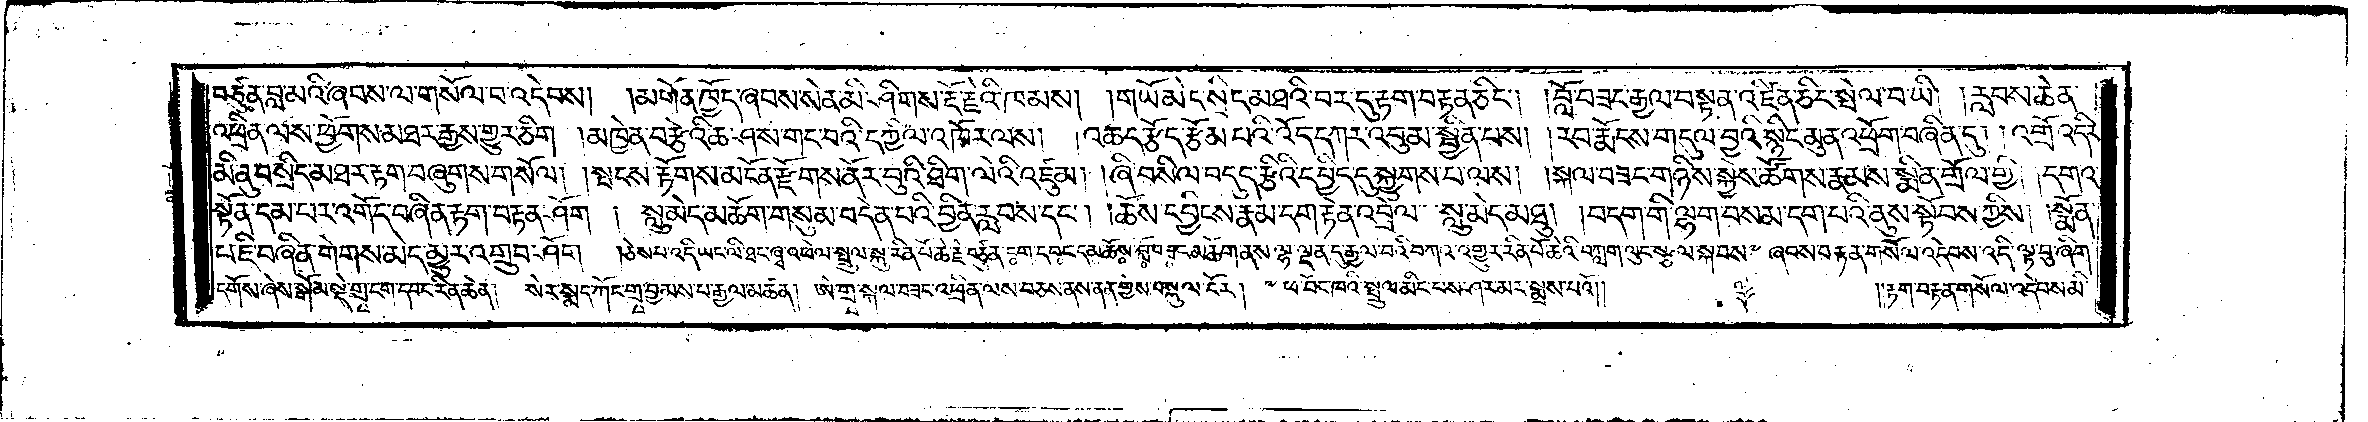བཙུན་བླ་མའི་ཞབས་ལ་གསོལ་བ་འདེབས། །མགོན་ཁྱོད་ཞབས་སེན་མི་ཤིགས་རྡོ་རྗེའི་ཁམས། །གཡོ་མེད་སྲིད་མཐའི་བར་དུ་རྟག་བརྟན་ཅིང་། །བློ་བཟང་རྒྱལ་བསྟན་འཛིན་ཅིང་སྤེལ་བ་ཡི། །རླབས་ཆེན་
འཕྲིན་ལས་ཕྱོགས་མཐར་རྒྱས་གྱུར་ཅིག །མཁྱེན་བརྩེའི་ཆ་ཤས་གང་བའི་དཀྱིལ་འཁོར་ལས། །འཆད་རྩོད་རྩོམ་པའི་འོད་དཀར་འབུམ་སྦྱིན་པས། །རབ་རྨོངས་གདུལ་བྱའི་སྙིང་མུན་འཕྲོག་བཞིན་དུ། །འགྲོ་འདིར་
མི་ནུབ་སྲིད་མཐར་རྟག་བཞུགས་གསོལ། །སྤངས་རྟོགས་མངོན་རྫོགས་ནོར་བུའི་ཐིག་ལེའི་འཛུམ། །ཞི་བསིལ་བདུད་རྩིའི་དཔྱིད་དུ་སྐྱུགས་པ་ལས། །སྐལ་བཟང་གཉིས་སྐྱེས་ཚོགས་རྣམས་སྨིན་གྲོལ་གྱི། །དགའ་
སྟོན་དམ་པར་འགོད་བཞིན་རྟག་བརྟན་ཤོག །སླུ་མེད་མཆོག་གསུམ་བདེན་པའི་བྱིན་རླབས་དང་། །ཆོས་དབྱིངས་རྣམ་དག་རྟེན་འབྲེལ་སླུ་མེད་མཐུ། །བདག་གི་ལྷག་བསམ་དག་པའི་ནུས་སྟོབས་ཀྱིས། །སྨན་
པ་ཇི་བཞིན་གེགས་མེད་མྱུར་འགྲུབ་ཤོག །ཅེས་པ་འདི་ཡབ་ལི་ཐང་ཞྭ་འཕེལ་སྤྲུལ་སྐུ་རིན་པོ་ཆེ་རྗེ་བཙུན་ངག་དབང་དམ་ཆོས་བློ་བཟང་མཆོག་ནས་ལྷ་ལྡན་དུ་རྒྱལ་བའི་བཀའ་འགྱུར་རིན་པོ་ཆེའི་བཀལག་ལུང་སྩལ་སྐབས ༧ཞབས་བརྟན་གསོལ་འདེབས་འདི་ལྟ་བུ་ཞིག་
དགོས་ཞེས་སྒོམ་སྡེ་གྲྭ་ངག་དབང་རིན་ཆེན། སེར་སྨད་ཀོང་གྲྭ་བྱམས་པ་རྒྱལ་མཚན། ཨེ་གྲྭ་སྐལ་བཟང་འཕྲིན་ལས་བཅས་ནས་ནན་གྱིས་བསྐུལ་ངོར། ༧་ཕ་བོང་ཁའི་སྤྲུལ་མིང་པས་ཤར་མར་སྨྲས་པའོ།། ༈ །།རྟག་བརྟན་གསོལ་འདེབས་མི་